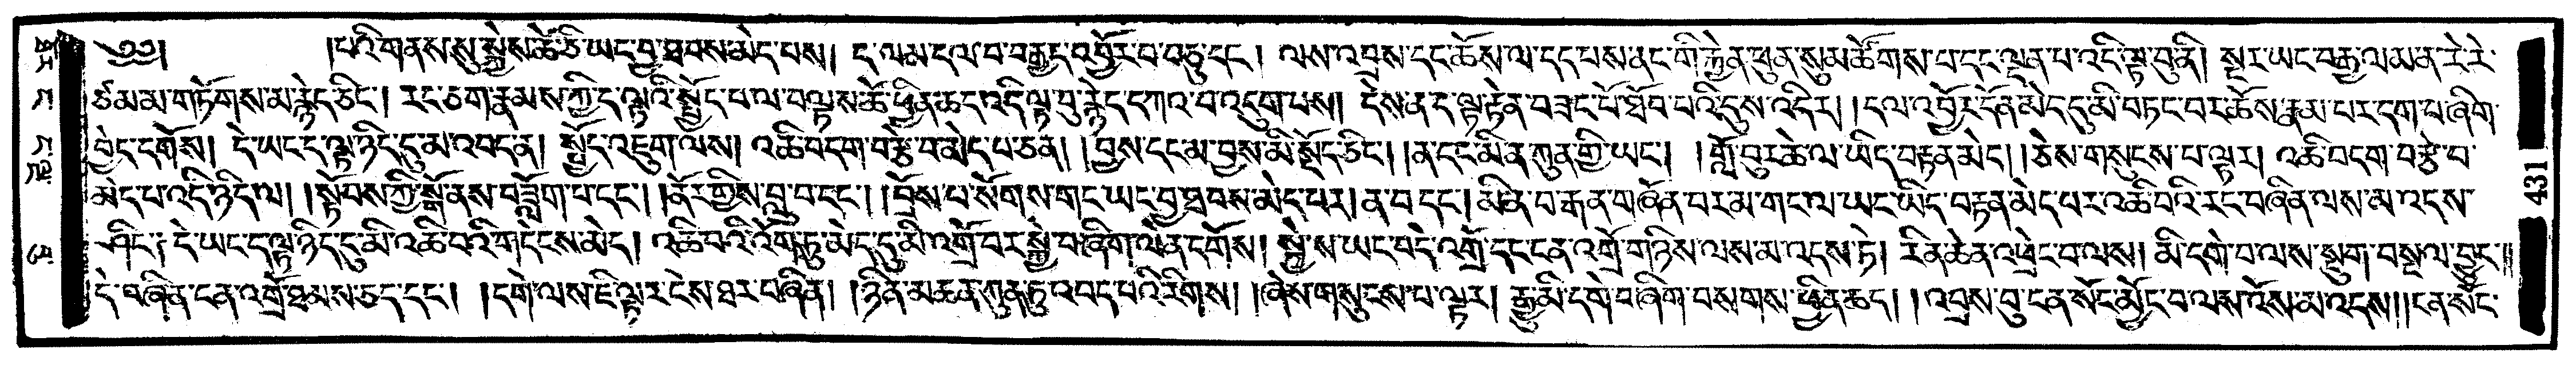༄༅། །པའི་གནས་སུ་སྐྱེས་ཚེ་ཅི་ཡང་བྱ་ཐབས་མེད་པས། ད་ལམ་དལ་བ་བརྒྱད་འབྱོར་བ་བཅུ་དང་། ལས་འབྲས་དང་ཆོས་ལ་དད་པས་ནང་གི་རྐྱེན་ཕུན་སུམ་ཚོགས་པ་དང་ལྡན་པ་འདི་ལྟ་བུ་ནི། སྔར་ཡང་བརྒྱ་ལམ་ན་རེ་རེ་
ཙམ་མ་གཏོགས་མ་རྙེད་ཅིང་། རང་ཅག་རྣམས་ཀྱི་ད་ལྟའི་སྤྱོད་པ་ལ་བལྟས་ཚེ་ཕྱིན་ཆད་འདི་ལྟ་བུ་རྙེད་དཀའ་བ་འདུག་པས། དེས་ན་ད་ལྟ་རྟེན་བཟང་པོ་ཐོབ་པའི་དུས་འདིར། །དལ་འབྱོར་དོན་མེད་དུ་མི་བཏང་བར་ཆོས་རྣམ་པར་དག་པ་ཞིག་
བྱེད་དགོས། དེ་ཡང་ད་ལྟ་ཉིད་དུ་མ་འབད་ན། སྤྱོད་འཇུག་ལས། འཆི་བདག་བརྩེ་བ་མེད་པ་ཅན། །བྱས་དང་མ་བྱས་མི་སྡོད་ཅིང་། །ན་དང་མིན་ཀུན་གྱི་ཡང་། །གློ་བུར་ཆེ་ལ་ཡིད་བརྟན་མེད། །ཅེས་གསུངས་པ་ལྟར། འཆི་བདག་བརྩེ་བ་
མེད་པ་འདི་ཉིད་ལ། །སྟོབས་ཀྱི་སྒོ་ནས་བཟློག་པ་དང་། །ནོར་གྱིས་བླུ་བ་དང་། །བྲོས་པ་སོགས་གང་ཡང་བྱ་ཐབས་མེད་པར། ན་བ་དང་། མིན་བ་རྒན་གཞོན་བར་མ་གང་ལ་ཡང་ཡིད་བརྟན་མེད་པར་འཆི་བའི་རང་བཞིན་ལས་མ་འདས་
ཤིང་། དེ་ཡང་ད་ལྟ་ཉིད་དུ་མི་འཆི་བའི་གདེངས་མེད། འཆི་བའི་འོག་ཏུ་མེད་དུ་མི་འགྲོ་བར་སྐྱེ་བ་ཞིག་ལེན་དགོས། སྐྱེ་ས་ཡང་བདེ་འགྲོ་དང་ངན་འགྲོ་གཉིས་ལས་མ་འདས་ཏེ། རིན་ཆེན་འཕྲེང་བ་ལས། མི་དགེ་བ་ལས་སྡུག་བསྔལ་བྱུང།།
དེ་བཞིན་ངན་འགྲོ་ཐམས་ཅད་དང་། །དགེ་ལས་ཇི་ལྟར་ངེས་ཐར་བཞིན། །ཉིན་མཚན་ཀུན་ཏུ་འབད་པའི་རིགས། །ཞེས་གསུངས་པ་ལྟར། རྒྱུ་མི་དགེ་བ་ཞིག་བསགས་ཕྱིན་ཆད། །འབྲས་བུ་ངན་སོང་མྱོང་བ་ལས་འོས་མ་འདས། །ངན་སོང་